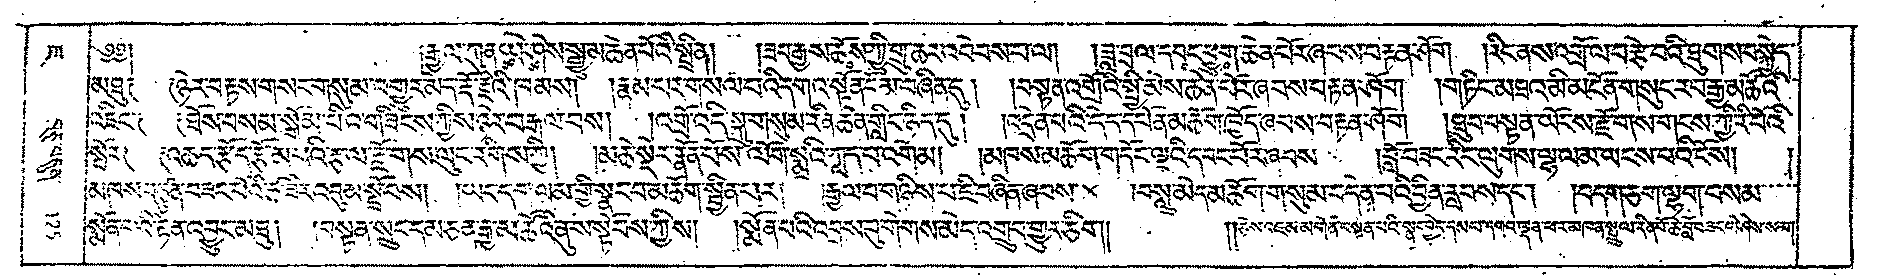༄༅། །རྒྱལ་ཀུན་ཡེ~྾་ཤེས~྾་སྒྱུ་མཆེན་པོའི་སྤྲིན། །ཟབ་རྒྱས་ཆོས྾་ཀྱི྾་གྲུ་ཆར་འབེབས་པ་ལ། །ཟླ་བྲལ་དབང྾་ཕྱུག྾་ཆེན་པོར་ཞབས་བརྟན་ཤོག །རིང་ནས་འགྲོ་ལ་བརྩེ་བའི་ཐུགས་བསྐྱེད་
མཐུ༑ ༑ཉེར་བརྟས་གསང་གསུམ་འགྱུར་མེད་རྡོ་རྗེའི་ཁམས། །རྣམ་པར་གསལ་བའི་དགའ་སྟོན་ངོམ་བཞིན་དུ། །བསྟན་འགྲོའི་སྤྱི་མེས་ཆེན་པོར་ཞབས་བརྟན་ཤོག །གཏིང་མཐའ་མི་མངོན་གསུང་རབ་རྒྱ་མཚོའི་
འཇིང༑ ༑ཐོས་བསམ་སྒོམ་པའི་གཟིངས་ཀྱིས་ཉེར་བརྒལ་བས། །འགྲོ་འདི་སྐུ་གསུམ་རིན་ཆེན་གླིང་ཉིད་དུ། །འདྲེན་པའི་དེད་དཔོན་མཆོག་ཁྱོད་ཞབས་བརྟན་ཤོག །ཐུབ་བསྟན་ཡོངས་རྫོགས་གངས་ཀྱི་རི་བོའི་
སྤོར༑ ༑འཆད་རྩོད་རྩོམ་པའི་རྩལ་རྫོགས་ལུང་རིགས་ཀྱི། །མཆེ་སྡེར་རྣོན་པོས་ལོག་སྨྲའི་ཀླད་པ་འགེམ། །མཁས་མཆོག་གདོང་ལྔའི་དབང་པོར་ཞབས། །བློ་བཟང་རིང་ལུགས་ལྷ་ལམ་ཡངས་པའི་ངོས། །
མཁས་བཙུན་བཟང་པོའི་ཚ་ཟེར་འབུམ་སྤྲོ་བས། །ཡང་དག་ལམ་གྱི་སྣང་བ་མཆོག་སྦྱིན་པར། །རྒྱལ་བ་གཉིས་པ་ཇི་བཞིན་ཞབས་྾་།བསླུ་མེད་མཆོག་གསུམ་བདེན་པའི་བྱིན་རླབས་དང་། །བདག་ཅག་ལྷག་བསམ་
སྨོན་པའི་རྟེན་འབྱུང་མཐུ། །བསྟན་སྲུང་དམ་ཅན་རྒྱ་མཚོའི་ནུས་སྟོབས་ཀྱིས། །སྨོན་པའི་འབྲས་བུ་གེགས་མེད་འགྲུབ་གྱུར་ཅིག ། །།ཅེས་འཇམ་མགོན་བསྟན་པའི་སྣང་བྱེད་དམ་པ་དགའ་ལྡན་ཕ་ར་མཁན་སྤྲུལ་རིན་པོ་ཆེ་བློ་བཟང་ཡེ་ཤེས་སམ།